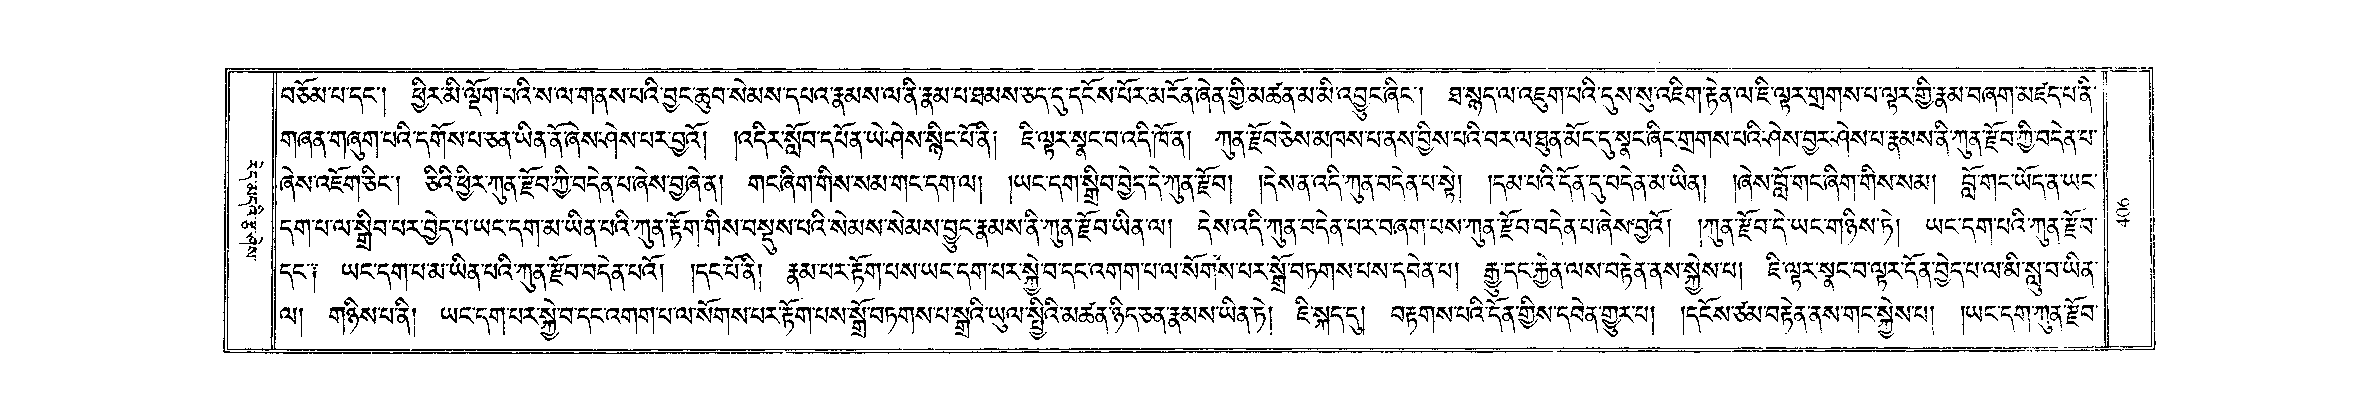བཅོམ་པ་དང་། ཕྱིར་མི་ལྡོག་པའི་ས་ལ་གནས་པའི་བྱང་ཆུབ་སེམས་དཔའ་རྣམས་ལ་ནི་རྣམ་པ་ཐམས་ཅད་དུ་དངོས་པོར་མངོན་ཞེན་གྱི་མཚན་མ་མི་འབྱུང་ཞིང་། ཐ་སྙད་ལ་འཇུག་པའི་དུས་སུ་འཇིག་རྟེན་ལ་ཇི་ལྟར་གྲགས་པ་ལྟར་གྱི་རྣམ་བཞག་མཛད་པ་ནི་
གཞན་གཞུག་པའི་དགོས་པ་ཅན་ཡིན་ནོ་ཞེས་ཤེས་པར་བྱའོ། །འདིར་སློབ་དཔོན་ཡེ་ཤེས་སྙིང་པོ་ནི། ཇི་ལྟར་སྣང་བ་འདི་ཁོ་ན། ཀུན་རྫོབ་ཅེས་མཁས་པ་ནས་བྱིས་པའི་བར་ལ་ཐུན་མོང་དུ་སྣང་ཞིང་གྲགས་པའི་ཤེས་བྱར་ཤེས་པ་རྣམས་ནི་ཀུན་རྫོབ་ཀྱི་བདེན་པ་
ཞེས་འཇོག་ཅིང་། ཅིའི་ཕྱིར་ཀུན་རྫོབ་ཀྱི་བདེན་པ་ཞེས་བྱ་ཞེ་ན། གང་ཞིག་གིས་སམ་གང་དག་ལ། །ཡང་དག་སྒྲིབ་བྱེད་དེ་ཀུན་རྫོབ། །དེས་ན་འདི་ཀུན་བདེན་པ་སྟེ། །དམ་པའི་དོན་དུ་བདེན་མ་ཡིན། །ཞེས་བློ་གང་ཞིག་གིས་སམ། བློ་གང་ཡོད་ན་ཡང་
དག་པ་ལ་སྒྲིབ་པར་བྱེད་པ་ཡང་དག་མ་ཡིན་པའི་ཀུན་རྟོག་གིས་བསྡུས་པའི་སེམས་སེམས་བྱུང་རྣམས་ནི་ཀུན་རྫོབ་ཡིན་ལ། དེས་འདི་ཀུན་བདེན་པར་བཞག་པས་ཀུན་རྫོབ་བདེན་པ་ཞེས་བྱའོ། །ཀུན་རྫོབ་དེ་ཡང་གཉིས་ཏེ། ཡང་དག་པའི་ཀུན་རྫོབ་
དང༑ ཡང་དག་པ་མ་ཡིན་པའི་ཀུན་རྫོབ་བདེན་པའོ། །དང་པོ་ནི། རྣམ་པར་རྟོག་པས་ཡང་དག་པར་སྐྱེ་བ་དང་འགག་པ་ལ་སོགས་པར་སྒྲོ་བཏགས་པས་དབེན་པ། རྒྱུ་དང་རྐྱེན་ལས་བརྟེན་ནས་སྐྱེས་པ། ཇི་ལྟར་སྣང་བ་ལྟར་དོན་བྱེད་པ་ལ་མི་སླུ་བ་ཡིན་
ལ༑ གཉིས་པ་ནི། ཡང་དག་པར་སྐྱེ་བ་དང་འགག་པ་ལ་སོགས་པར་རྟོག་པས་སྒྲོ་བཏགས་པ་སྒྲའི་ཡུལ་སྤྱིའི་མཚན་ཉིད་ཅན་རྣམས་ཡིན་ཏེ། ཇི་སྐད་དུ། བརྟགས་པའི་དོན་གྱིས་དབེན་གྱུར་པ། །དངོས་ཙམ་བརྟེན་ནས་གང་སྐྱེས་པ། །ཡང་དག་ཀུན་རྫོབ་